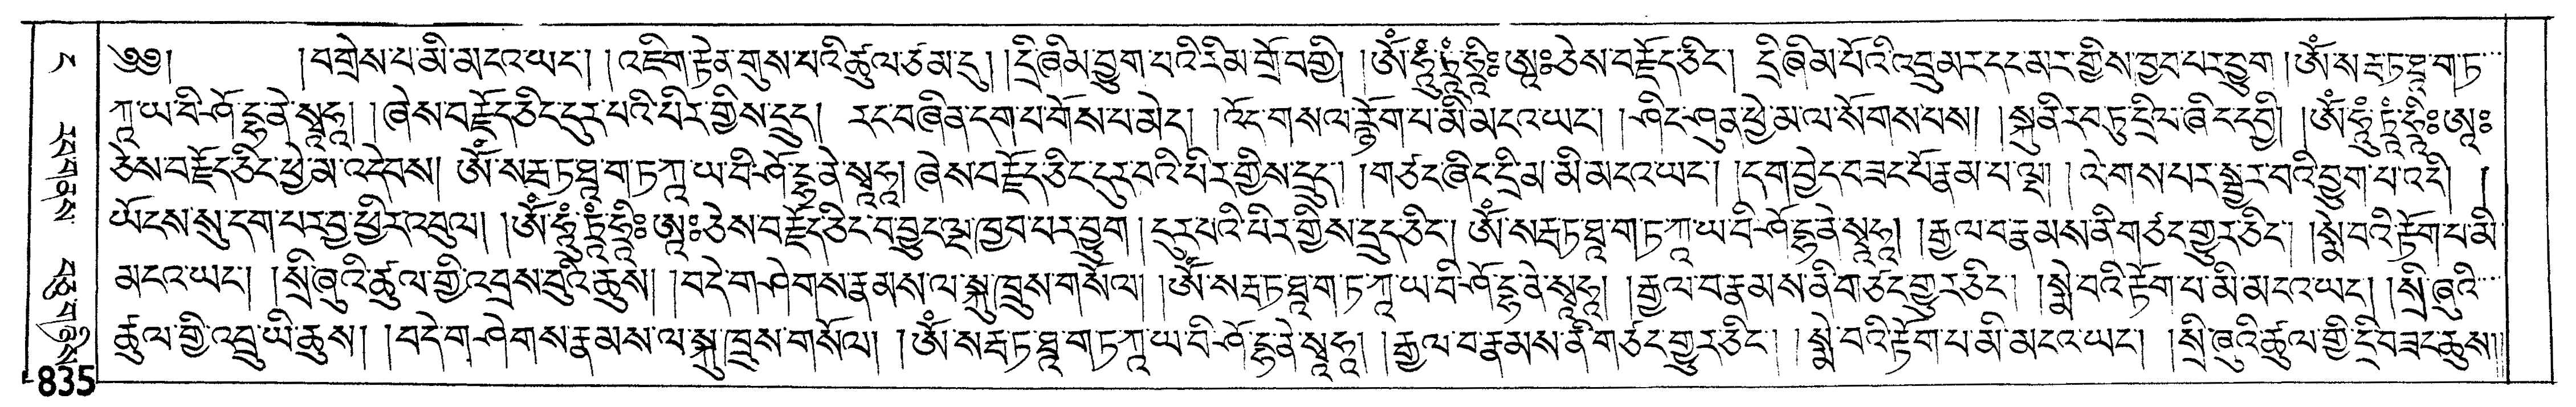༄༅། །བགྲེས་པ་མི་མངའ་ཡང་། །འཇིག་རྟེན་གུས་པའི་ཚུལ་ཙམ་དུ། །དྲི་ཞིམ་བྱུག་པའི་རིམ་གྲོ་བགྱི། །ཨོཾ་ཧཱུཾ་ཏྲཱཾ་ཧྲཱིཿ ཨཱཿ ཅེས་བརྗོད་ཅིང་། དྲི་ཞིམ་པོའི་འབྲུ་མར་དང་མར་གྱིས་ཁྱབ་པར་བྱུག །ཨོཾ་སརྦ་ཏ་ཐཱ་ག་ཏ་
ཀཱ་ཡ་བི་ཤོ་དྷ་ནེ་སྭཱཧཱ། །ཞེས་བརྗོད་ཅིང་དུར་པའི་པིར་གྱིས་དྲུད། རང་བཞིན་དག་པ་གོས་པ་མེད། །འོད་གསལ་རྙོག་པ་མི་མངའ་ཡང་། །ཤིང་ཤུན་ཕྱེ་མ་ལ་སོགས་པས། །སྐུ་ནི་རབ་ཏུ་དྲིལ་ཞིང་དབྱི། །ཨོཾ་ཧཱུཾ་ཏྲཱཾ་ཧྲཱིཿ ཨཱཿ
ཅེས་བརྗོད་ཅིང་ཕྱེ་མ་འདེབས། ཨོཾ་སརྦ་ཏ་ཐཱ་ག་ཏ་ཀཱ་ཡ་བི་ཤོ་དྷ་ནེ་སྭཱཧཱ། ཞེས་བརྗོད་ཅིང་དུར་བའི་པིར་གྱིས་དྲུད། །གཙང་ཞིང་དྲི་མ་མི་མངའ་ཡང་། །དག་བྱེད་བཟང་པོ་རྣམ་པ་ལྔ། །ལེགས་པར་སྦྱར་བའི་བྱུག་པ་འདི། །
ཡོངས་སུ་དག་པར་བྱ་ཕྱིར་འབུལ། །ཨོཾ་ཧཱུཾ་ཏྲཱཾ་ཧྲཱིཿ ཨཱཿ ཅེས་བརྗོད་ཅིང་བ་བྱུང་ལྔ་ཁྱབ་པར་བྱུག །དུར་པའི་པིར་གྱིས་དྲུད་ཅིང་། ཨོཾ་སརྦ་ཏ་ཐཱ་ག་ཏ་ཀཱ་ཡ་བི་ཤོ་དྷ་ནེ་སྭཱཧཱ། །རྒྱལ་བ་རྣམས་ནི་གཙང་གྱུར་ཅིང་། །སྨེ་བའི་རྟོག་པ་མི་
མངའ་ཡང་། །སྲི་ཞུའི་ཚུལ་གྱི་འབྲས་བུའི་ཆུས། །བདེ་གཤེགས་རྣམས་ལ་སྐུ་ཁྲུས་གསོལ། །ཨོཾ་སརྦ་ཏ་ཐཱ་ག་ཏ་ཀཱ་ཡ་བི་ཤོ་དྷ་ནེ་སྭཱཧཱ། །རྒྱལ་བ་རྣམས་ནི་གཙང་གྱུར་ཅིང་། །སྨེ་བའི་རྟོག་པ་མི་མངའ་ཡང་། །སྲི་ཞུའི་
ཚུལ་གྱི་འབྲུ་ཡི་ཆུས། །བདེ་གཤེགས་རྣམས་ལ་སྐུ་ཁྲུས་གསོལ། །ཨོཾ་སརྦ་ཏ་ཐཱ་ག་ཏ་ཀཱ་ཡ་བི་ཤོ་དྷ་ནེ་སྭཱཧཱ། །རྒྱལ་བ་རྣམས་ནི་གཙང་གྱུར་ཅིང་། །སྨེ་བའི་རྟོག་པ་མི་མངའ་ཡང་། །སྲི་ཞུའི་ཚུལ་གྱི་དྲི་བཟང་ཆུས། །